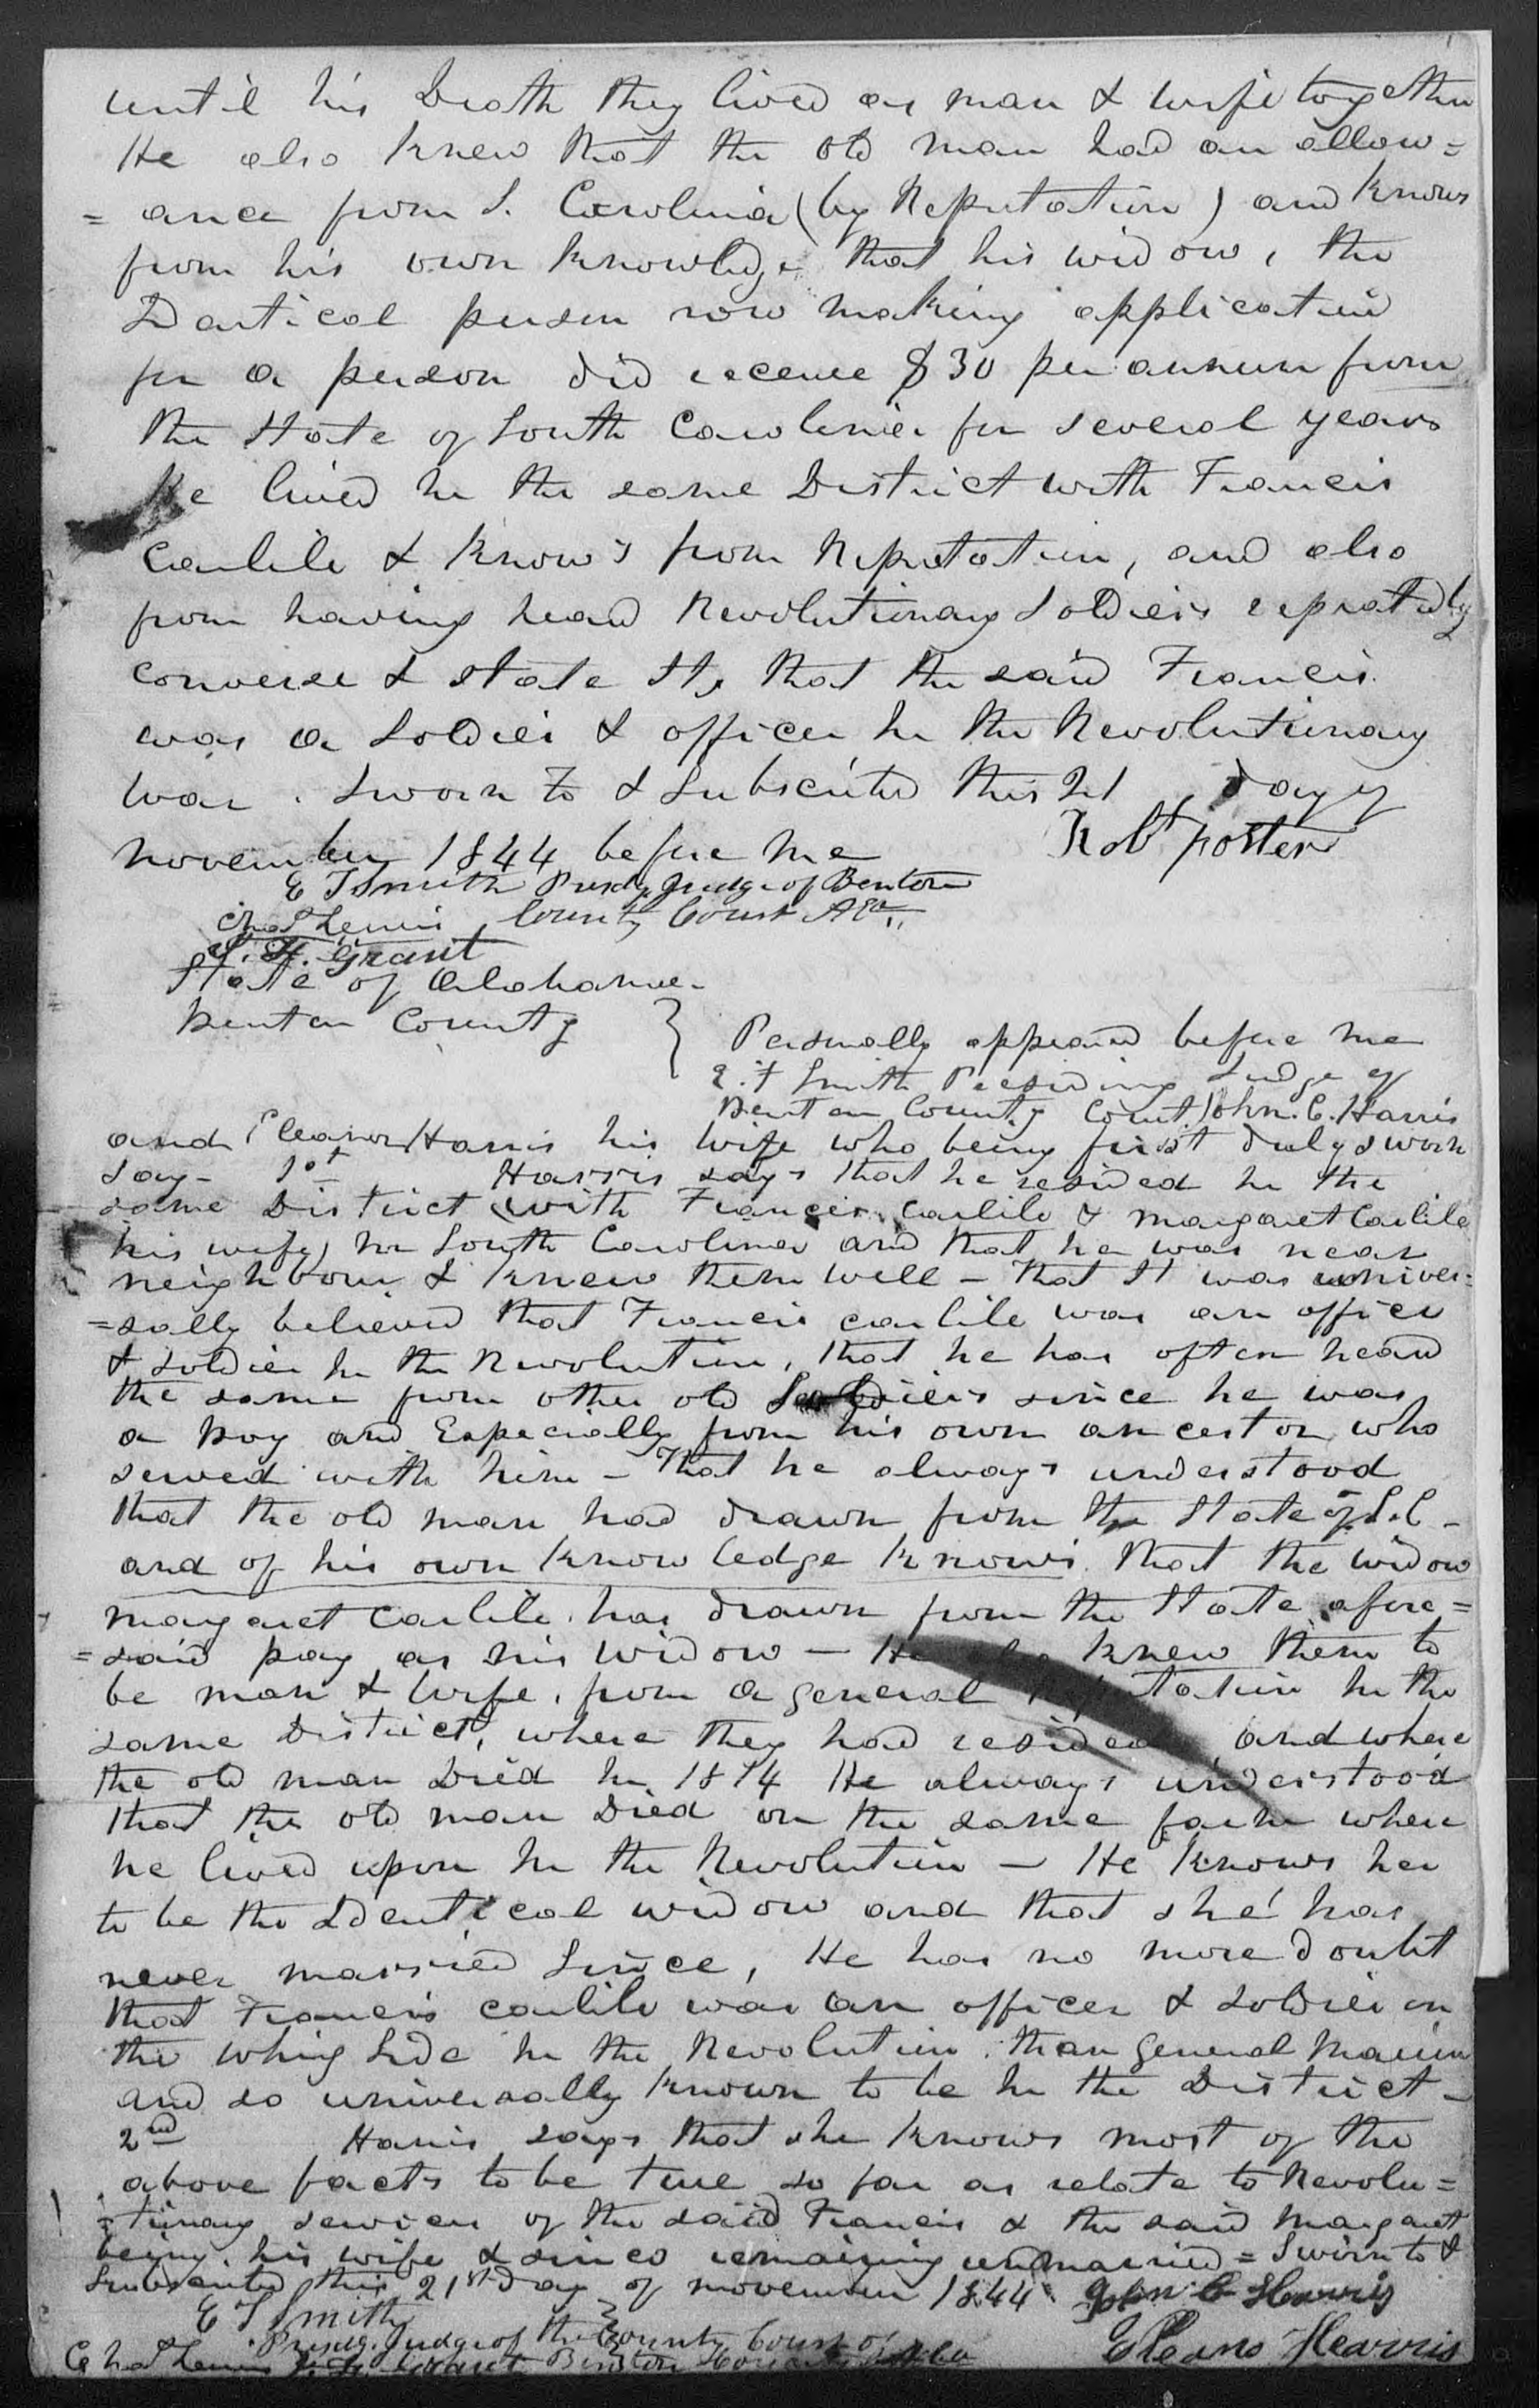until his death they lived as man & wife together 
He also knew that the old man had an allow
ance from S. Carolina (by reputation) and knows 
from his own knowledge that his widow, the 
identical person now making application 
for a pension did receive $30 per annum from 
the State of South Carolina for several years 
He lived in the same District with Francis 
Carlile & knows from reputation, and also 
from having been Revolutionary soldier [illegible]
converse & state it, that the said Francis 
was a soldier & officer in the Revolutionary 
War. Sworn to & subscribed this 21 day of 
November 1844 before me | Robt Foster
E T Smith Presiding Judge of Benton 
County Court Ala.
Chas Lewis
J. H. Grant

State of Alabama }
Benton County } Personally appeared before me 
E T Smith presiding Judge of 
Benton County Court John C. Harris 
and Eleanor Harris his wife who being first duly sworn 
say 1st Harris says that he resided in the 
same District with Francis Carlile & Margaret Carlile 
his wife, in South Carolina and that he was near 
neighbour [neighbor] & knew them well. That it was univer
sally believed that Francis Carlile was an officer 
& soldier in the Revolution, that he has often heard 
the same from other old soldiers since he was 
a boy and especially from his own ancestor who 
served with him.  That he always understood 
that the old man had drawn from the State of S.C. 
and of his own knowledge knows that the widow 
Margaret Carlile has drawn from the State afore
said pay as his widow.  He also knew them to 
be man & wife, from a general report to him in the 
same District, where they had resided and where 
the old man died in 1814. He always understood 
that the old man died on the same farm where 
he lived upon in the Revolution.  He knows her 
to be the identical widow and that she has 
never married since.  He has no more doubt 
that Francis Carlile was an officer & soldier in 
the Whig side in the Revolution than General Marrin 
and do universally known to be in the District.

2nd Harris says that she knows most of the 
above facts to be true as far as relate to Revolu
tionary service of the said Francis & the said Margaret 
being his wife & since remaining unmarried. Sworn to & 
subscribed this 21st day of November 1844. John C Harris 
E T Smith  } | Eleanor Harris
Presiding Judge of the County Court of }
Char Lewis J H Grant Benton County Ala }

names: John C Harris, E T Smith, J H Grant, Eleanor Harris, E T Smith, Robt Foster, Margaret Carlile, John C Harris, Margaret, Chas Lewis, Francis, Marrin, Eleanor Harris, Francis Carlile, Harris, Francis Carlile, Chas Lewis, E F Smith, Francis Carlile, Margaret Carlile, Francis, Francis Carlile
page: 74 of 91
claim: widow's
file: W. 10576, Francis Carlisle, S.C.